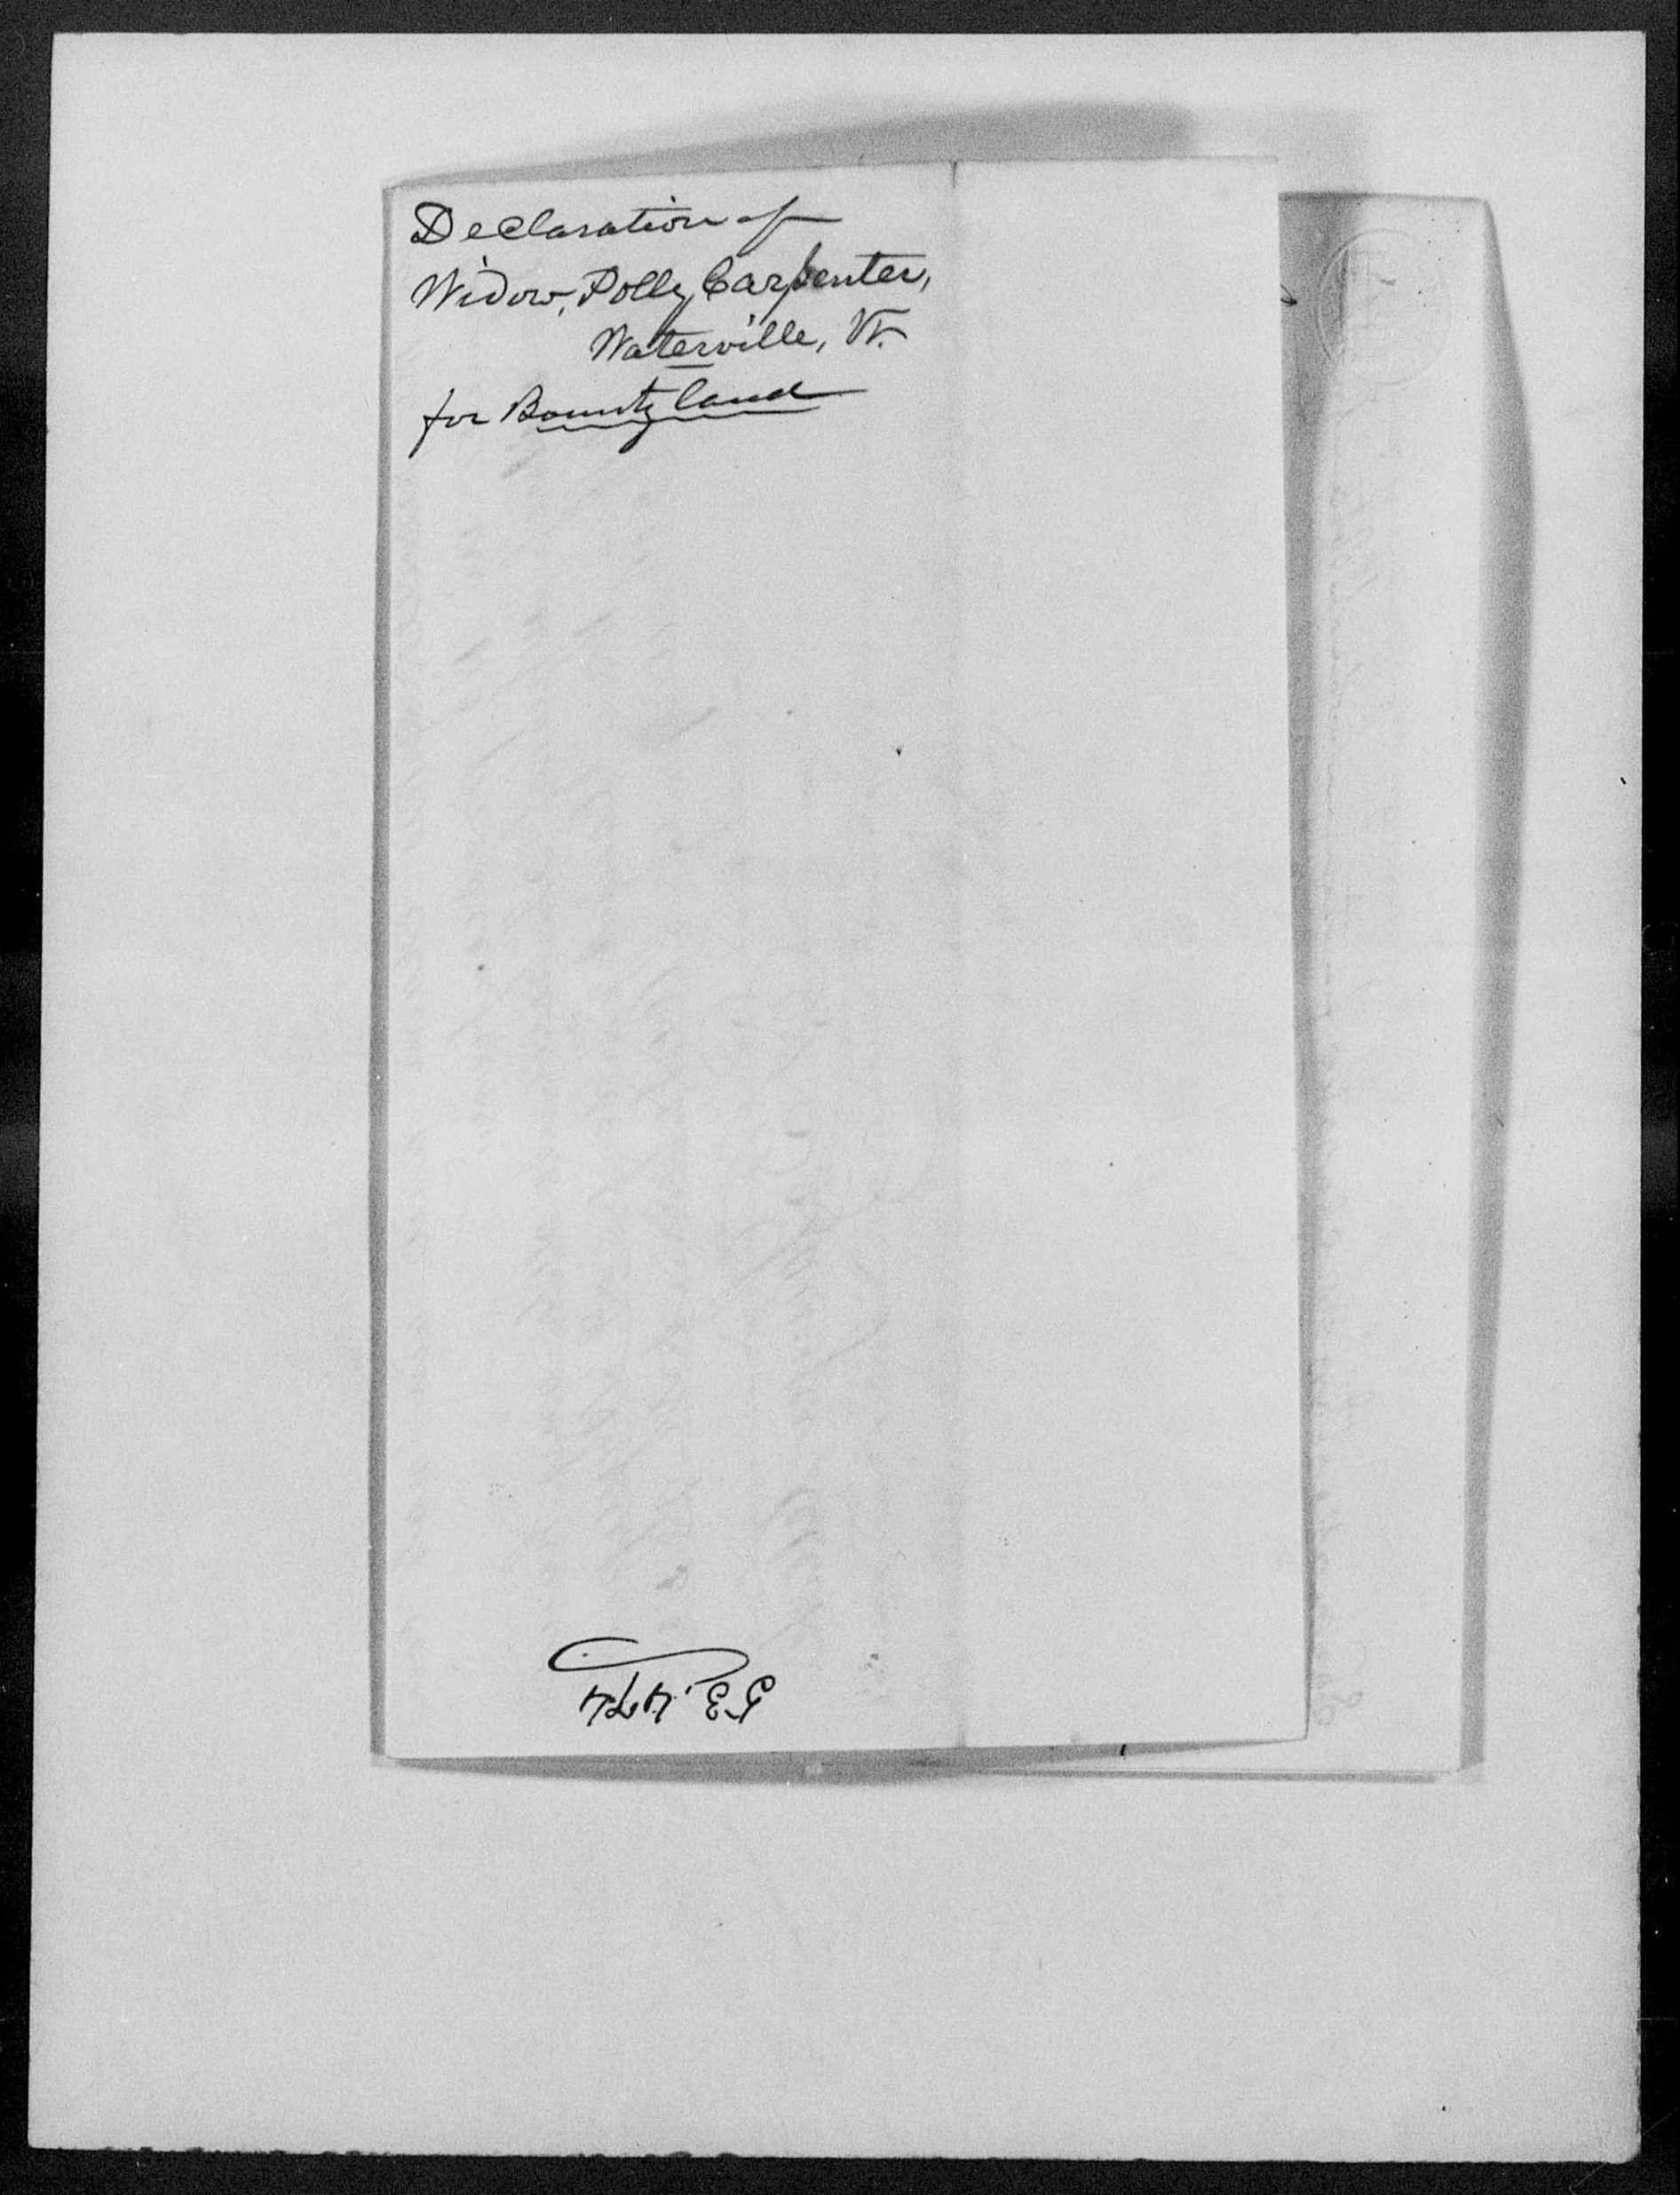Declaration of Widow, Polly Carpenter, Waterville, Vt. for Bounty land

53.474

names: Polly Carpenter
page: 12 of 41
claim: widow's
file: W. 15627, Timothy Carpenter, Vt.